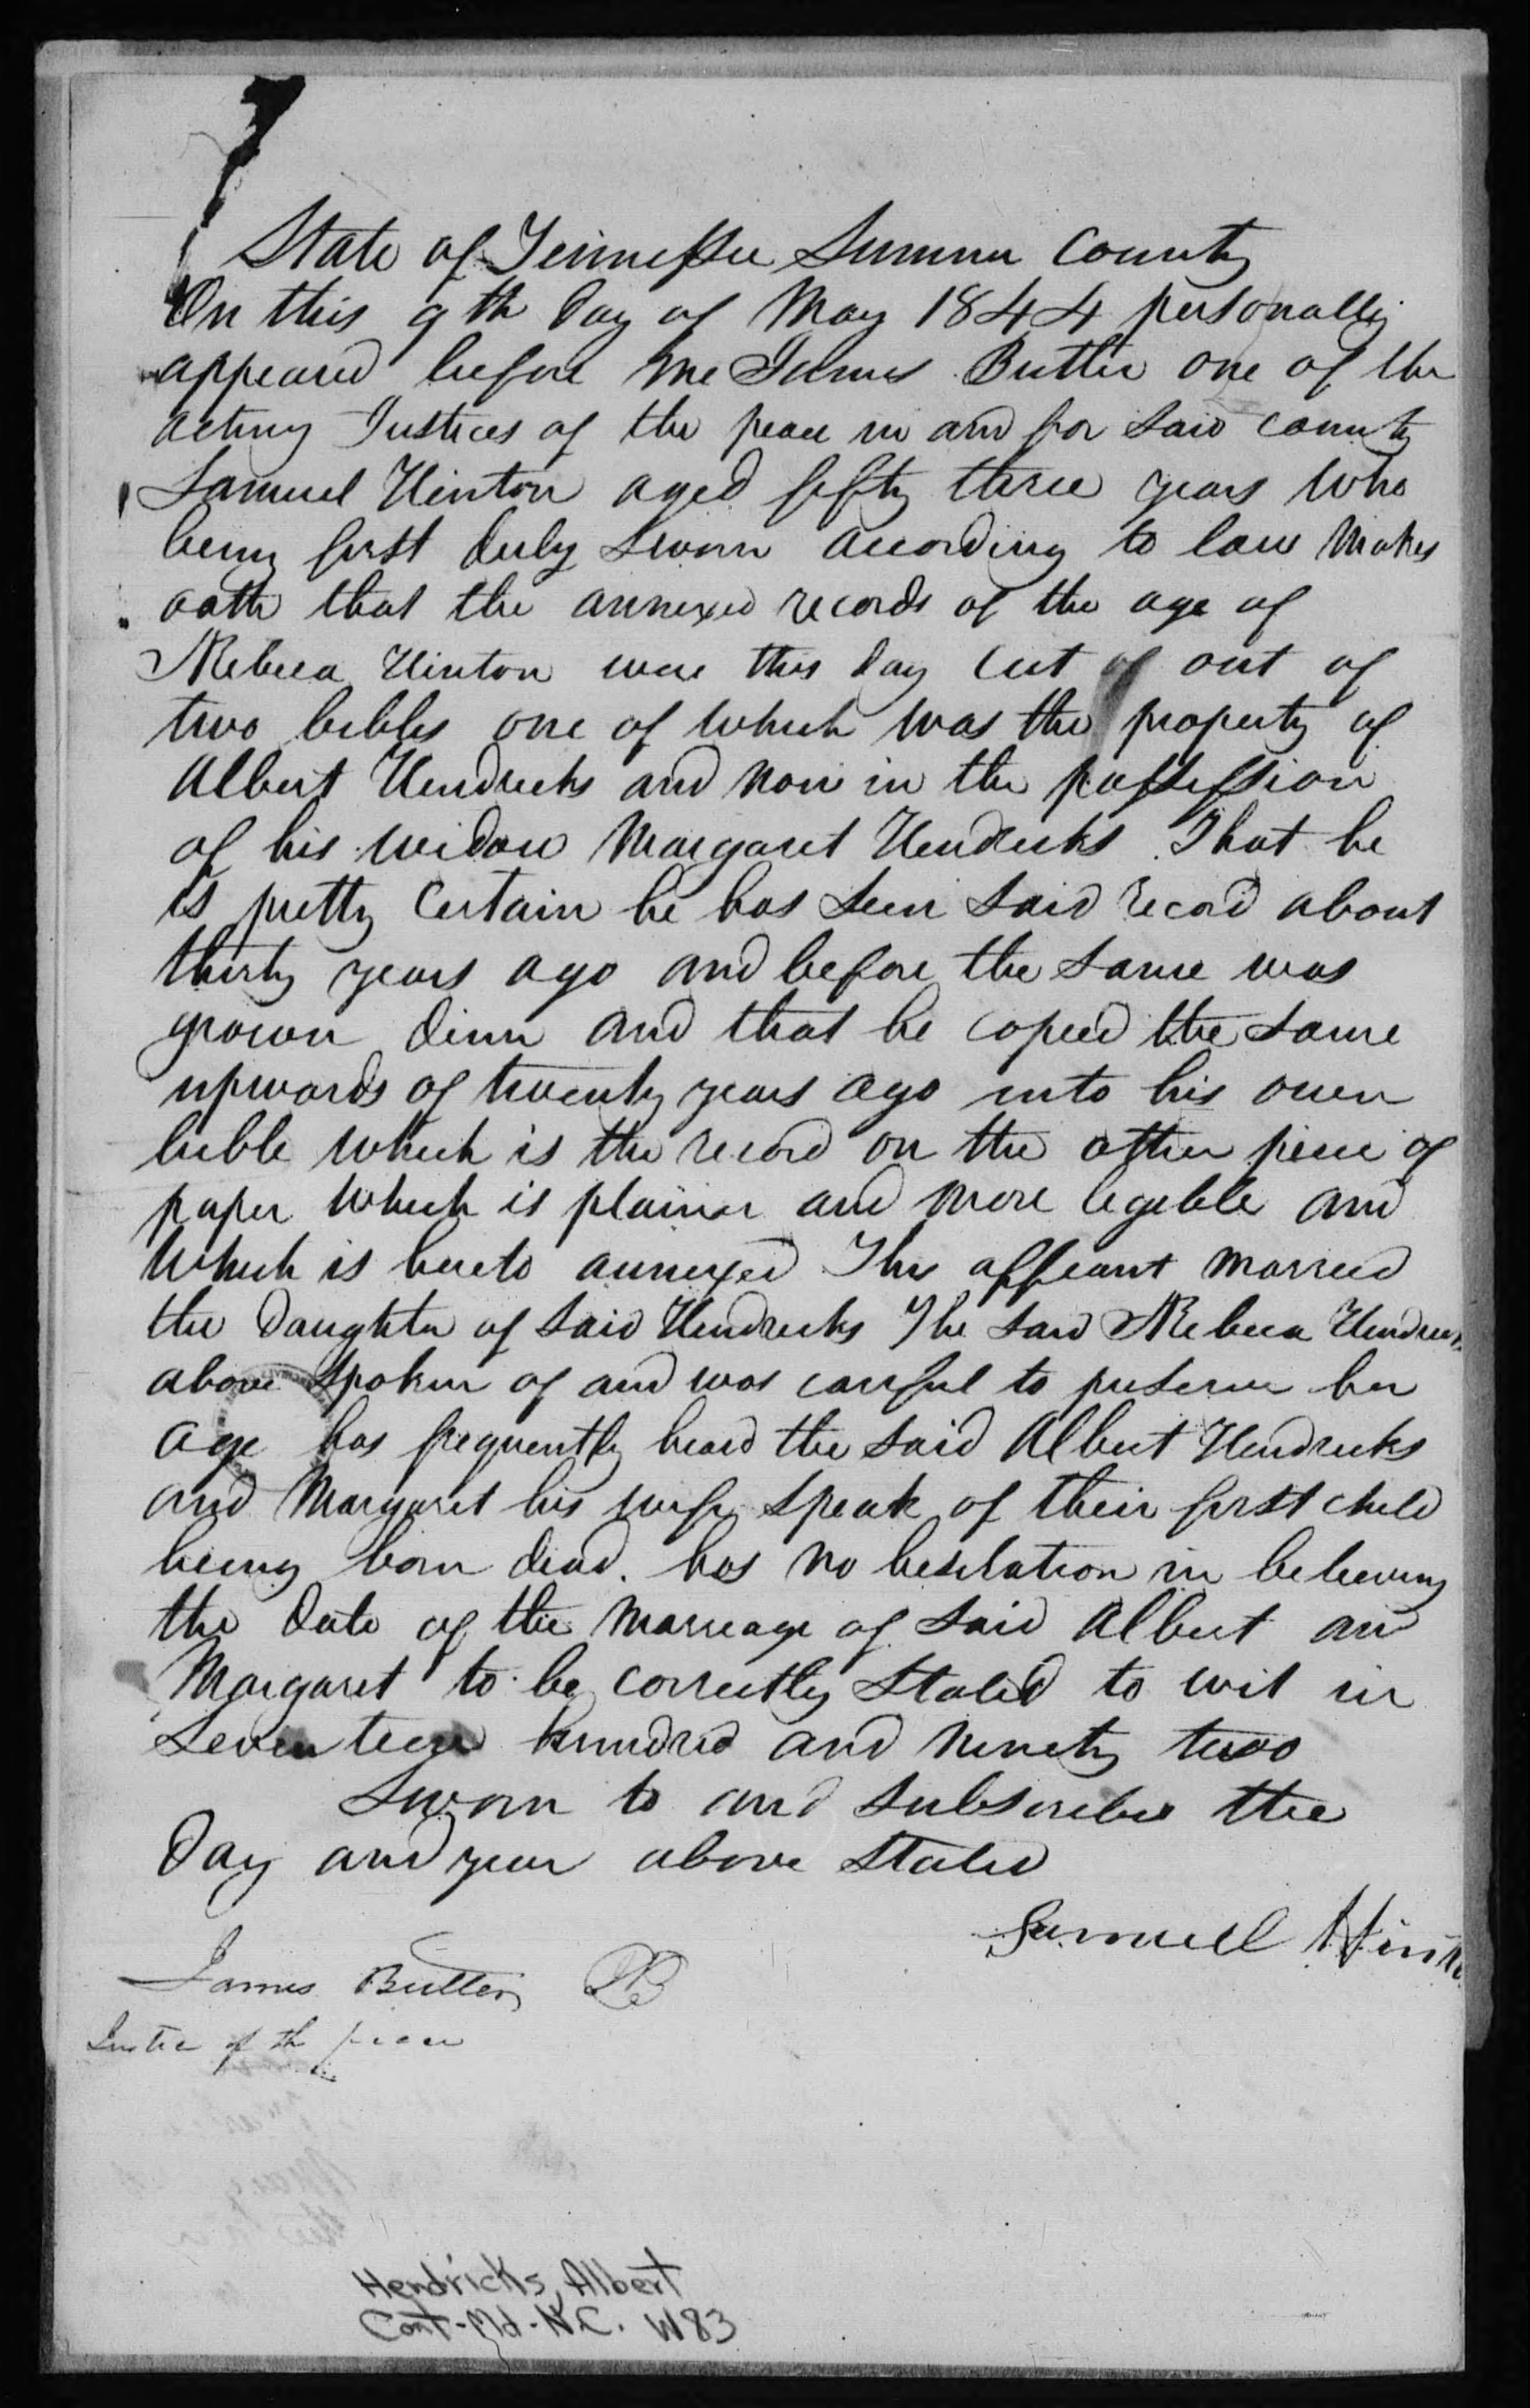State of Tennessee Sumner County
On this 9th day of May 1844 personally appeared before me James Butler one of the acting Justices of the Peace in and for said county Samuel Hinton aged fifty three years who being first duly sworn according to law makes oath that the annexed records of the age of Rebeca Hinton were this day cut out of two bibles one of which was the property of Albert Hendricks and now in the possession of his widow Margaret Hendricks.  That he is pretty certain he has seen said record about thirty years ago and before the same was grown dim and that he copied the same upwards of twenty years ago into his own bible which is the record on the other piece of paper which is plainer and more legible and which is hereto annexed.  This affiant married the daughter of said Hendricks the said Rebeca Hendricks above spoken of and was careful to preterm her age has frequently heard the said Albert Hendricks and Margaret his wife speak of their first child being born dead, has no hesitation in believing the date of the marriage of said Albert and Margaret to be correctly stated to wit in seventeen hundred and ninety two.
Sworn to and subscribed the day and year above stated.  Samuel Hinton
James Butler J. P
Justice of the Peace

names: Margaret, Albert Hendricks, Margaret Hendricks, Rebeca Hendricks, Samuel Hinton, Rebeca Hinton, Margaret, Albert, Hendricks, Albert Hendricks, James Butler, Albert Hendricks, Samuel Hinton, James Butler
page: 6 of 76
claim: widow's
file: W. 83, Albert Hendricks, Continental Md. N.C.